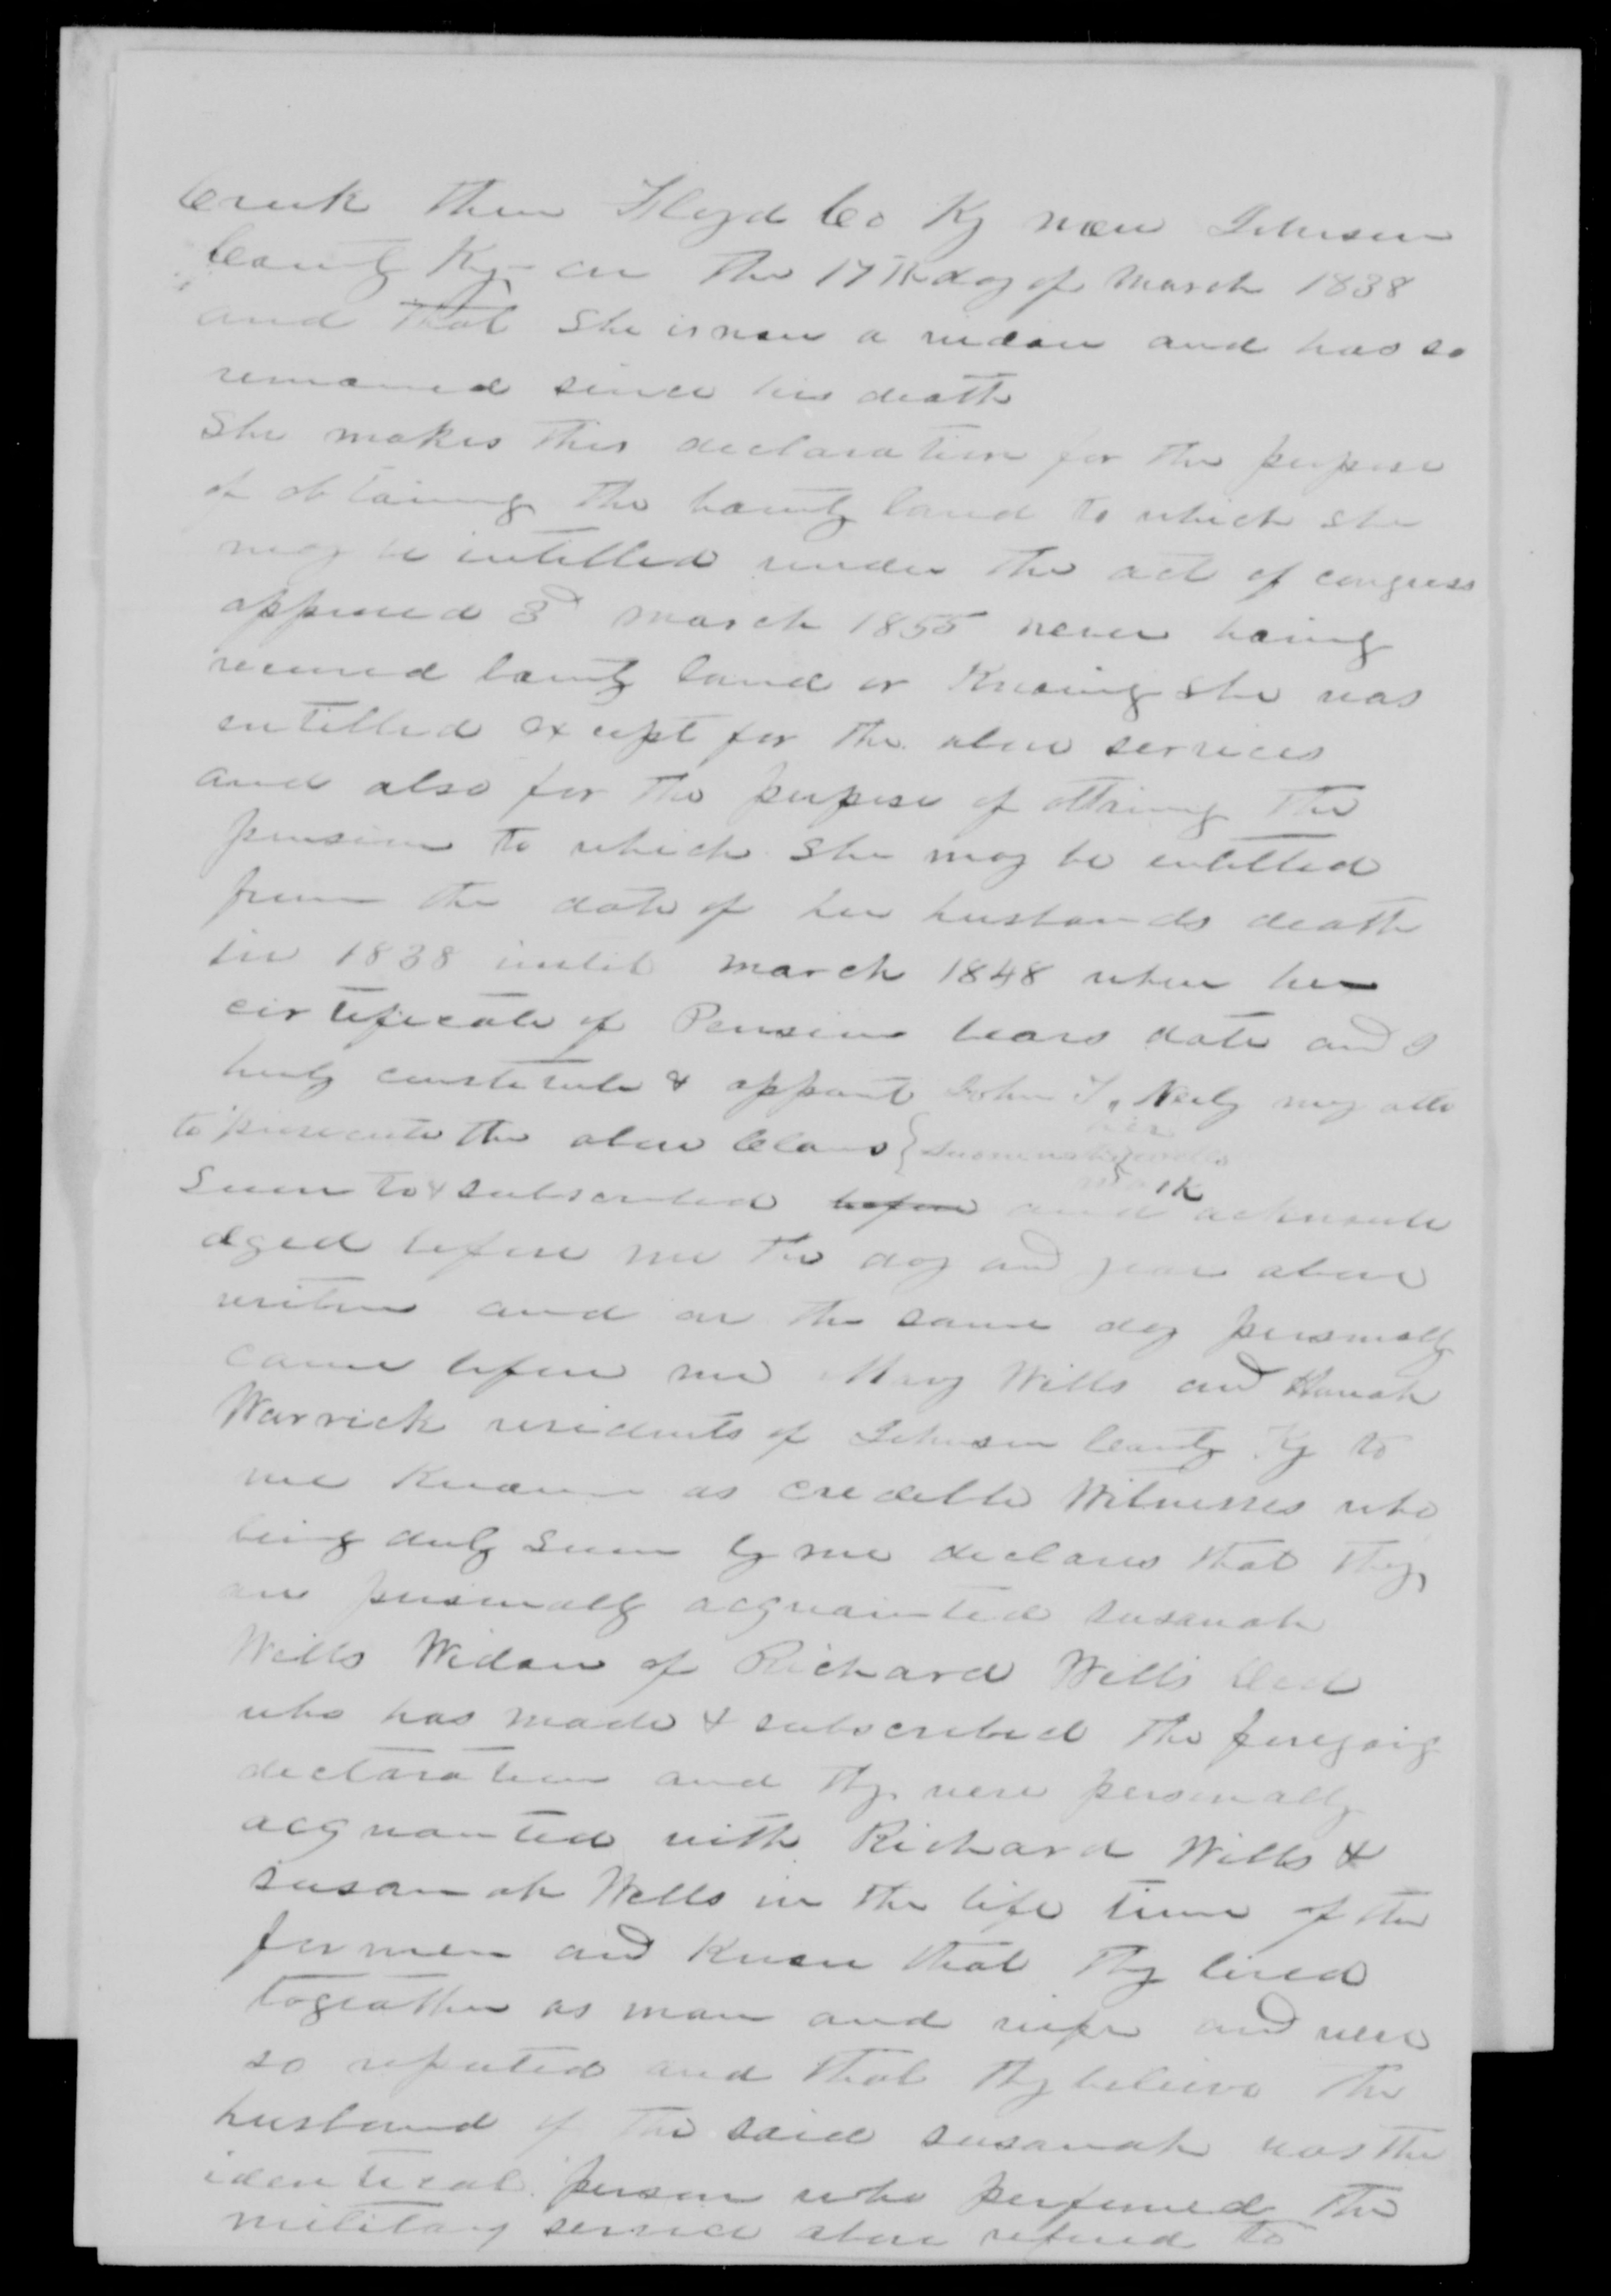Creek then Floyd County Ky now Johnson County  Ky on the 17 th day of March 1838 and that she is now a widow and so remained since his death She makes this declaration for the purpose of obtaining the bounty land to which she may be entitled under the  act of Congress approved 3rd March 1855 never having received bounty land or knowing she was entitled except for the above services and also for the purpose of attaining the pension to which she may be entitled from the date of her husband's death in 1838 until March 1848 when her certificate of pension bears date and I hereby constitute & appoint John T. Neily my attorney to prosecute this said claim. ( her mark X ) Susanah Wells  Sworn to and subscribed and acknowledged before me the day and year above written and on the same day personally came before me Mary Wells and Hanah Warrick  residents of Johnson County Ky to me known as credible witnesses who being duly sworn  by me declare that they are personally acquainted with Susanah Wells widow of Richard Wells dec'd who has made and subscribed the foregoing declaration  and they were personally acquainted with Richard Wells & Susanah Wells in the life time of the former and know that they lived together as man and wife and were so reputed and that they believe him to be the husband of the said Susanah was the identical person who performed the military service above referred to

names: Mary Wills, Richard Wills, Susanah Wells, Hanah Warrick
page: 13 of 100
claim: widow's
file: W. 6437, Richard Wells, Ga Va.